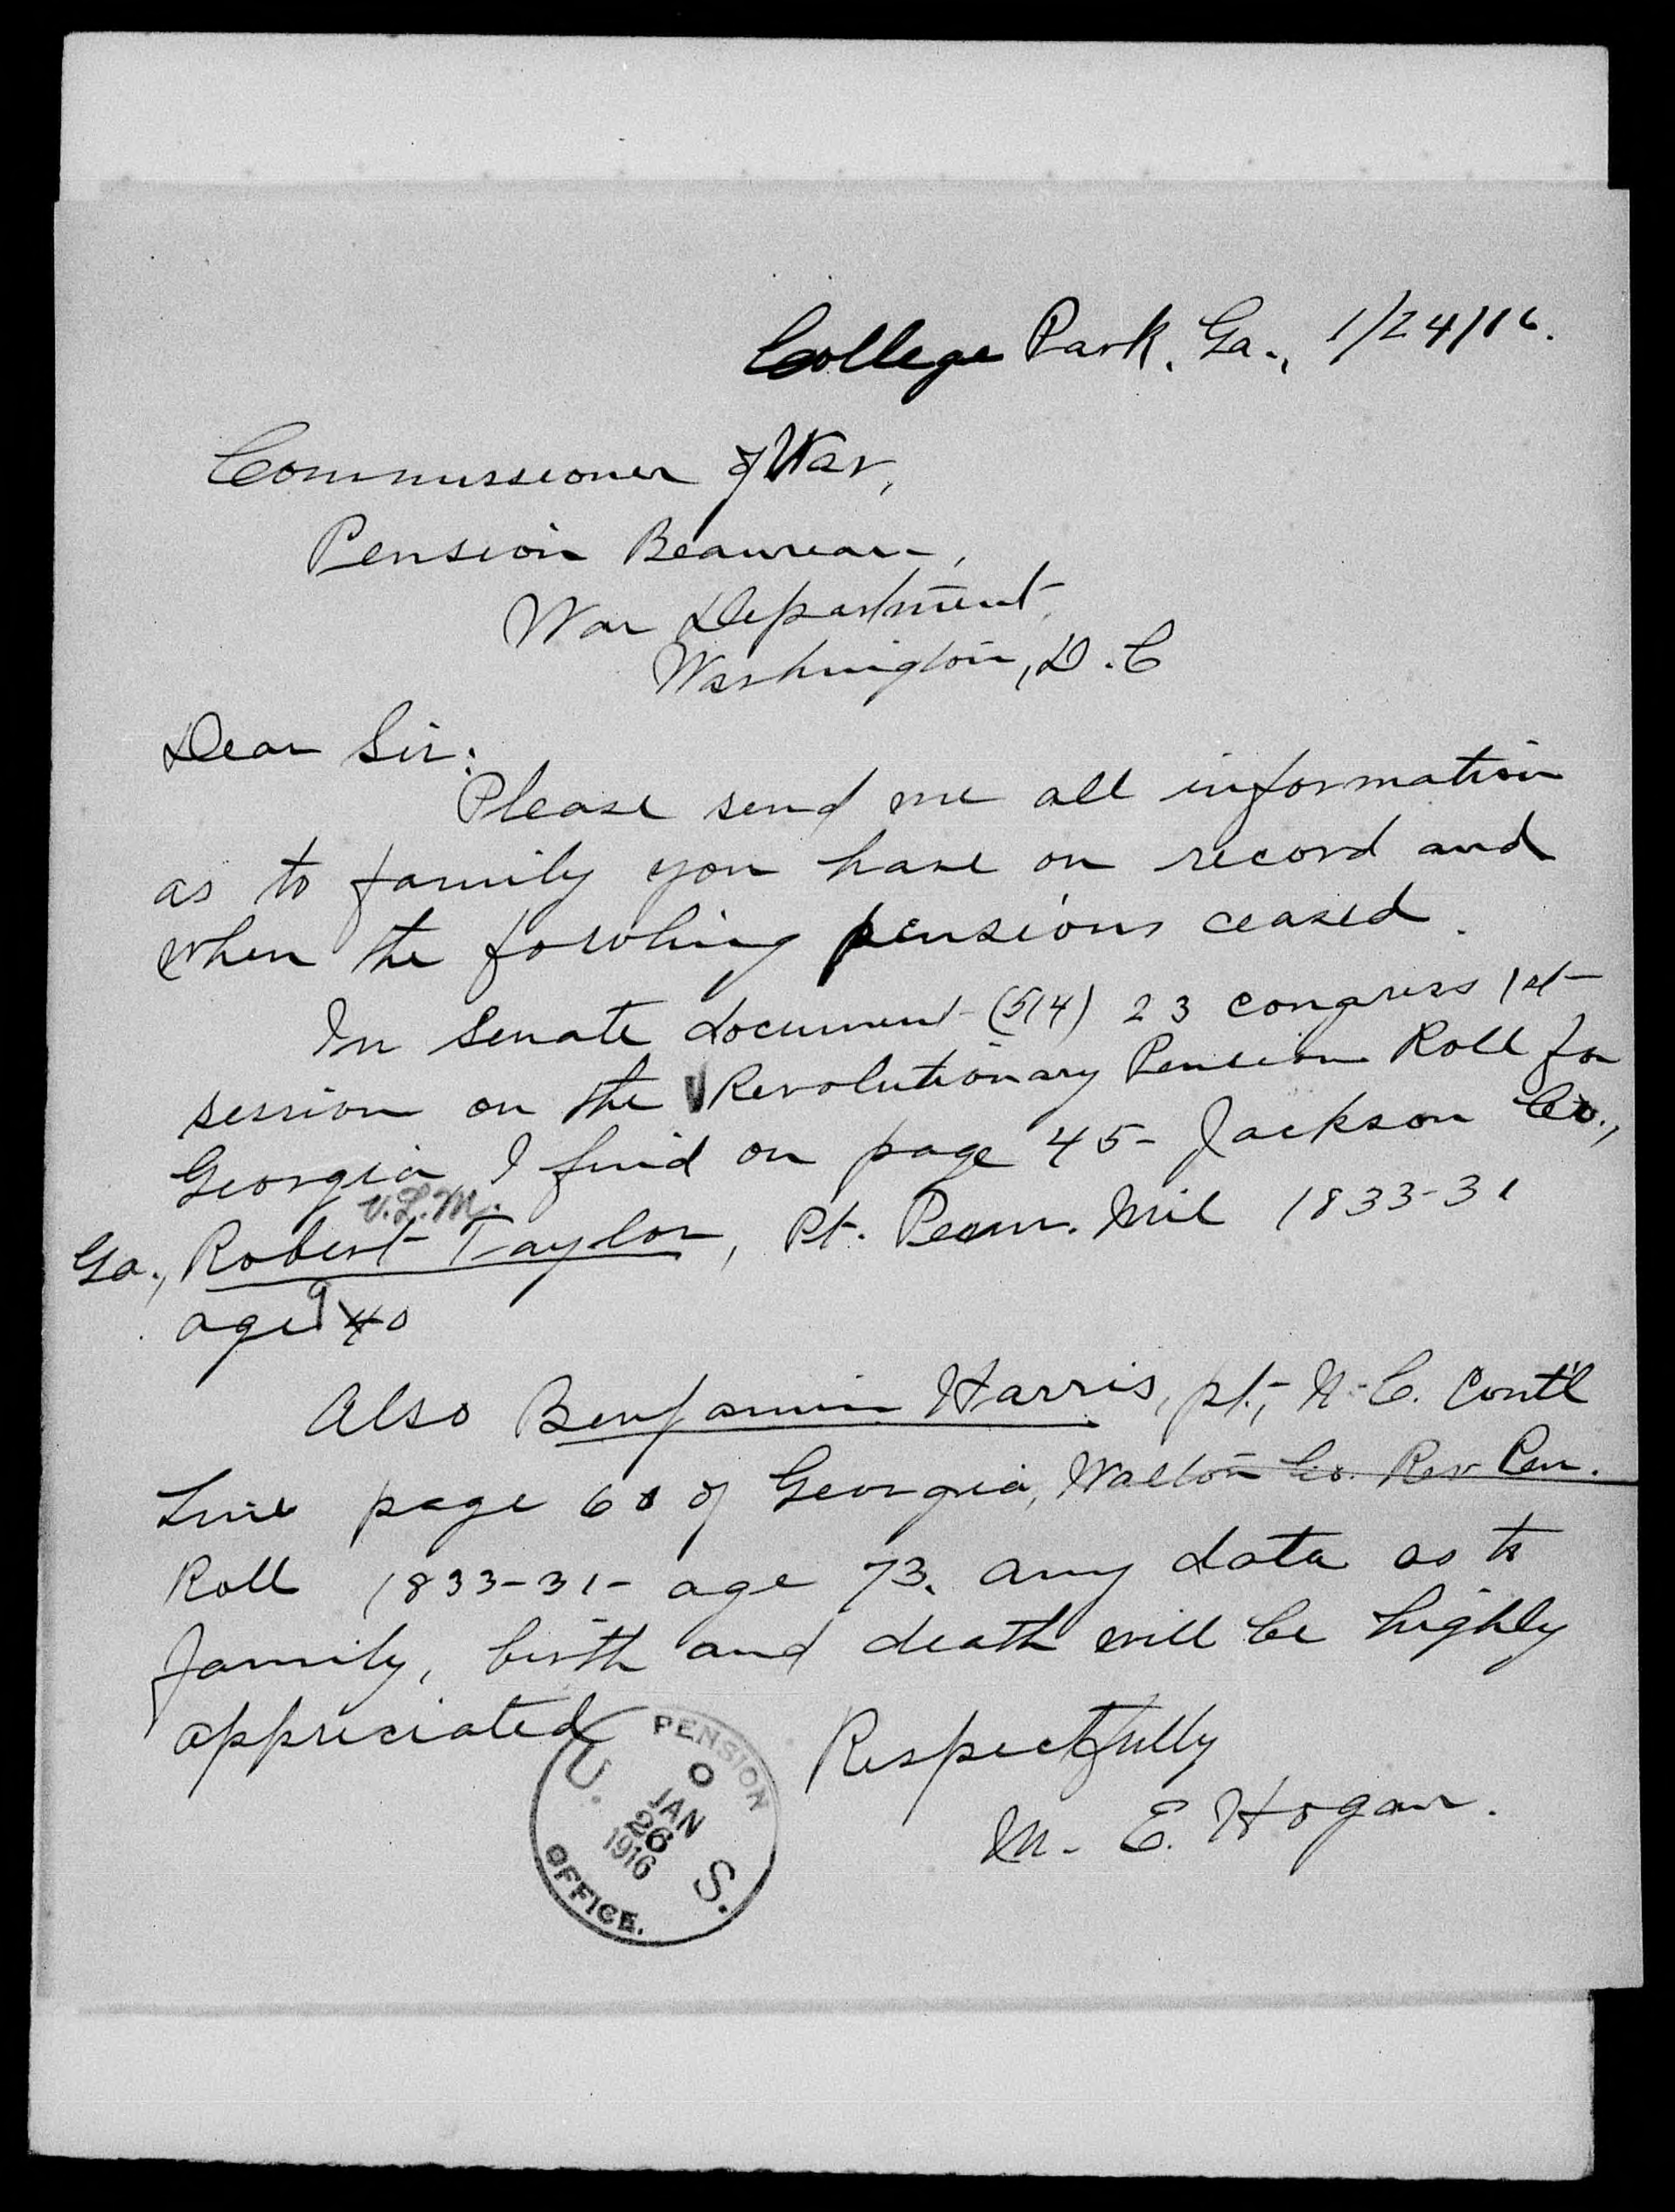College Park, Ga. 1/24/16

Commissioner of War Pension Bureau War Department, Washington, D.C 

Dear Sir:
Please send me all information as to family you have on record and when the fowling pension ceased
In Senate Document (514 ) 23 congress 1st session on the Revolutionary Pension Roll for Georgia I find on page 45- Jackson Co. Ga, Robert Traydon PY Pens Mil 1833-31 aged 90 

Also Benjamin Harris, pt, N.C. Contl  Line page 60 of Georgia, Walton County Rev Pen. Roll 1833-31- age 73. any data as to family, birth and death will be highly appreciated 
Respectfully M. E. Hogan
[postmark: U.S. PENSION OFFICE JAN 26 1916]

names: Robert Taylor, M E Hogan, Benjamin Harris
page: 61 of 62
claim: survivor's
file: S. 38816, Benjamin Harris, Mass.